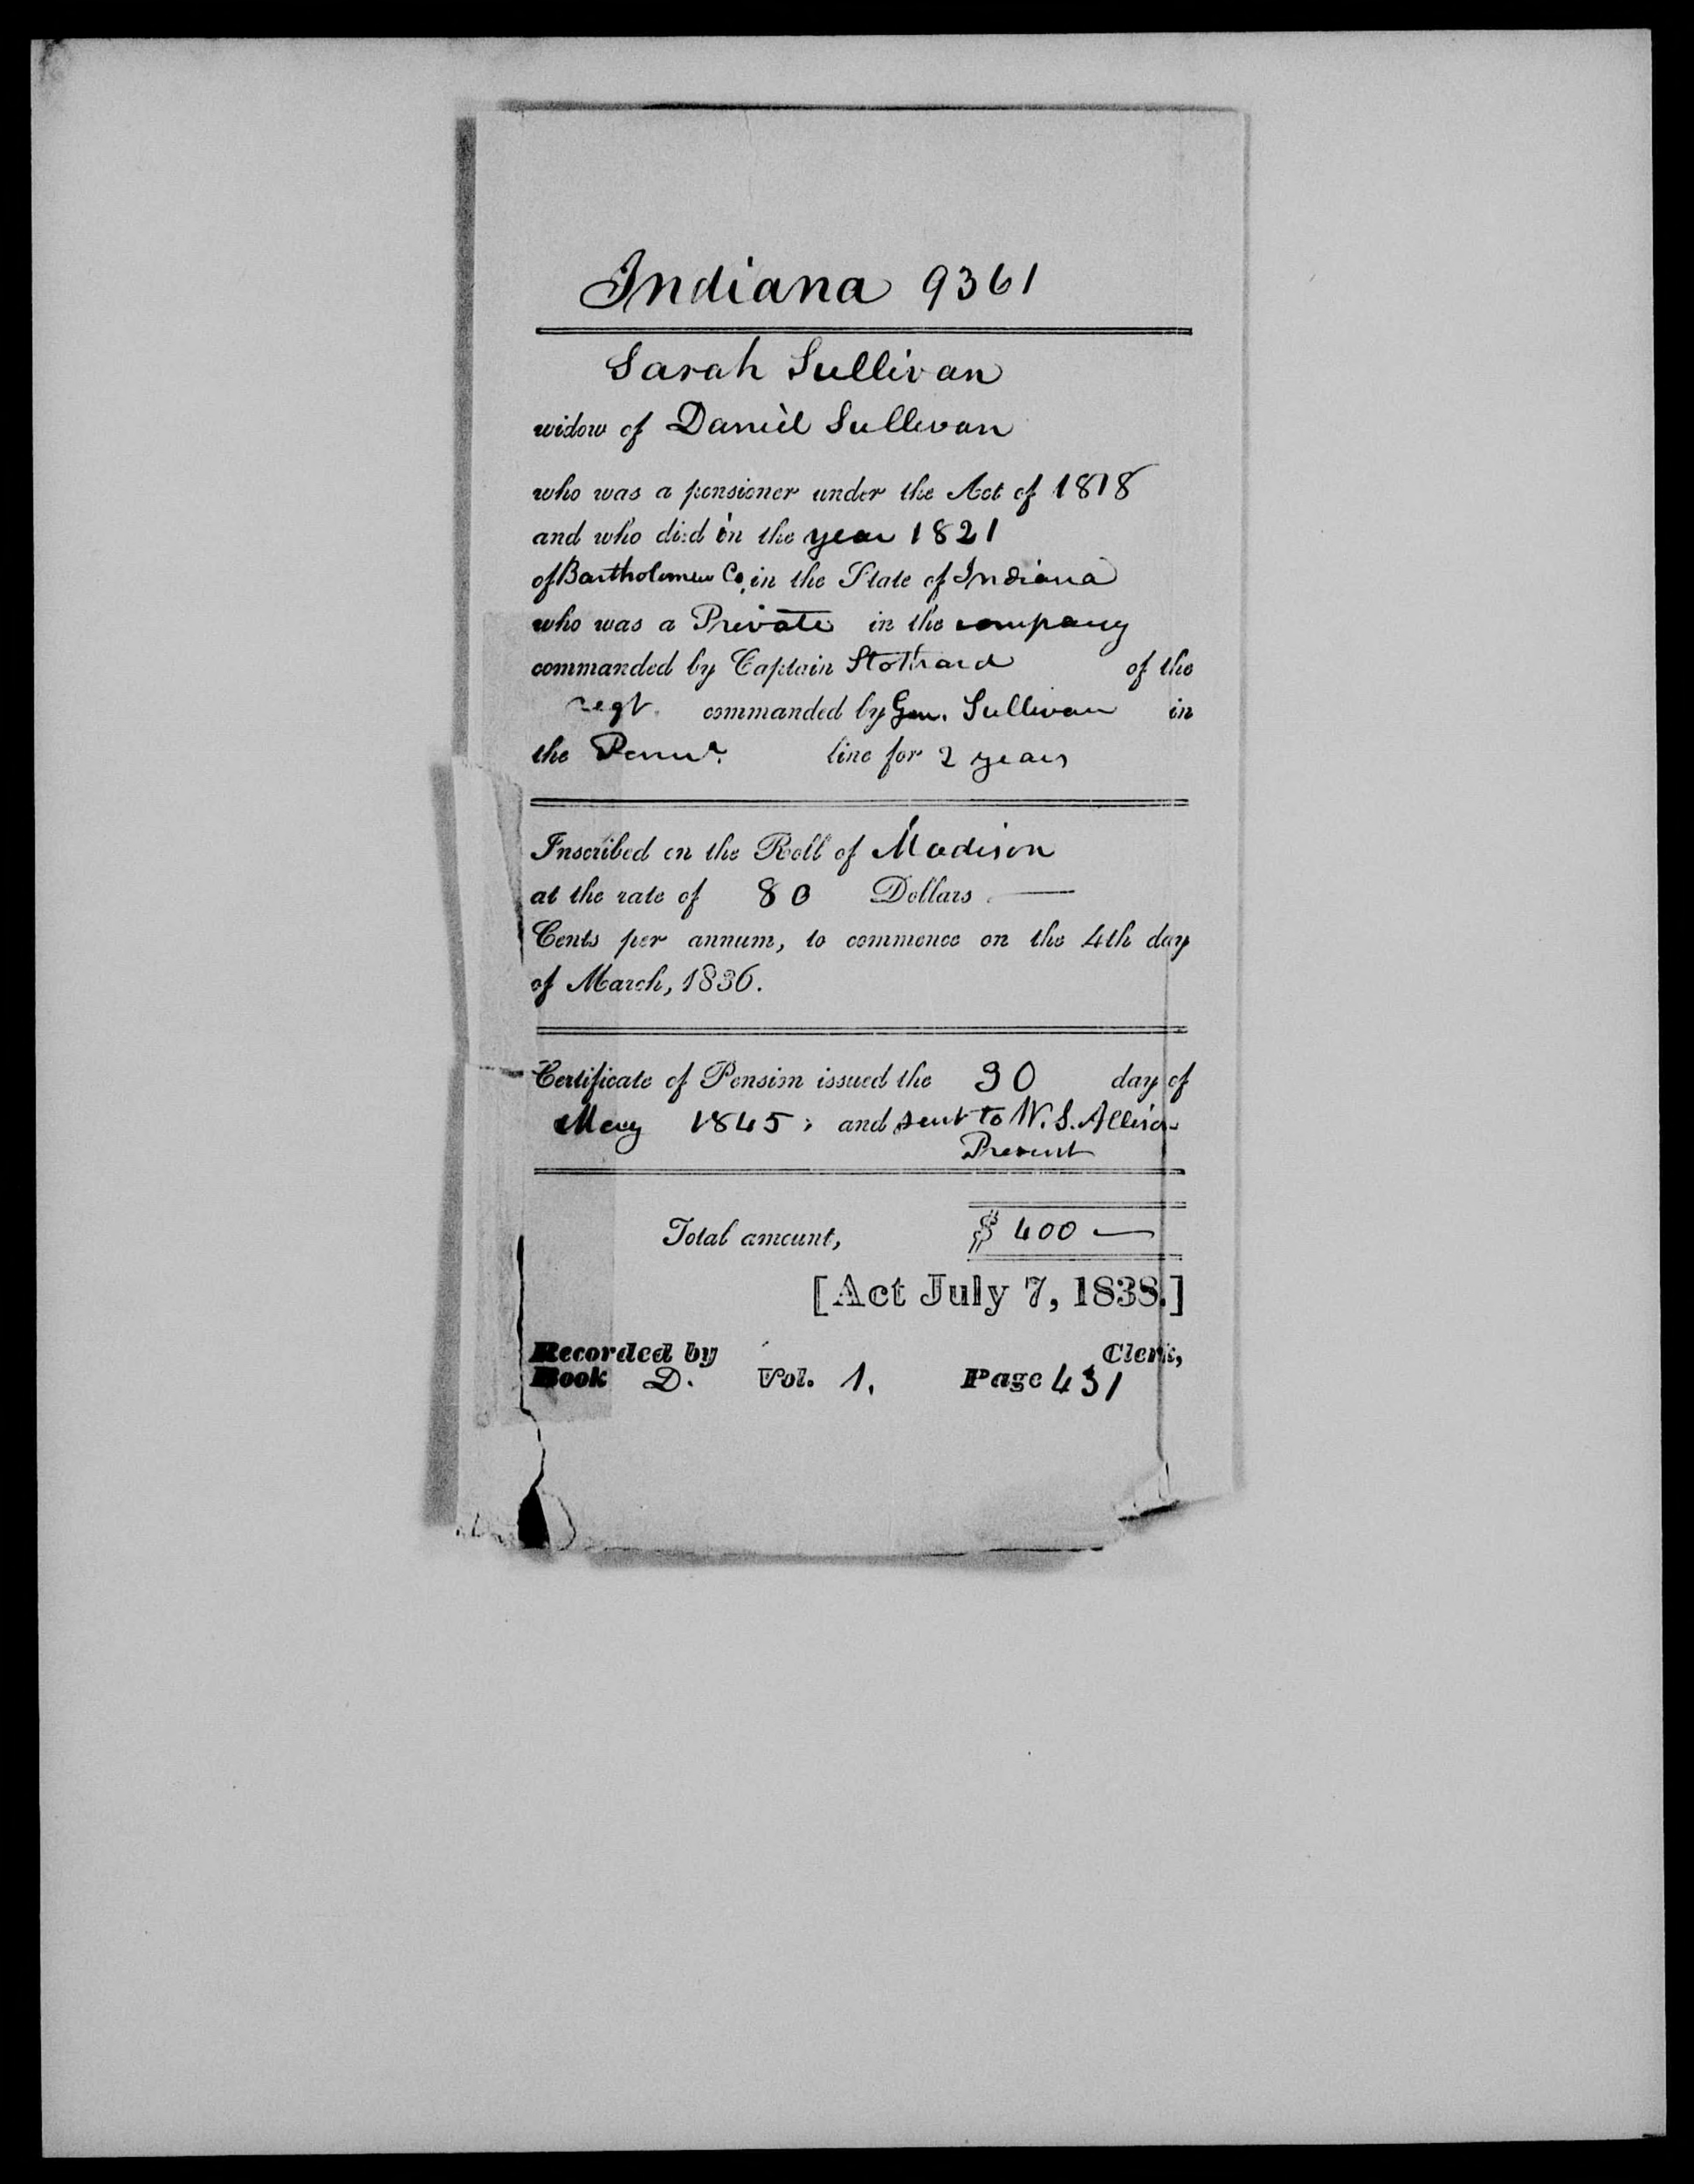[printed form, blanks filled by hand]

Indiana 9361
=============
Sarah Sullivan
widow of Daniel Sullivan
who was a pensioner under the Act of 1818
and who died in the year 1821
of Bartholomew Co in the state of Indiana
who was a Private in the company
commanded by Captain Stothard of the
Regt commanded by Gen. Sullivan in
the Penna. line for 2 years.
=============
Inscribed on the Roll of Madison 
at the rate of 80 Dollars ----- cents
per annum to commence on the 4th day 
of March, 1836.
=============
Certificate of Pension issued the 30 day of 
May 1845 and sent to W.S. Allison
Present
=============
Total Amount $400.00

[ Act July 7, 1838. ]

Recorded by [blank] Clerk
Book D Vol 1, Page 431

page: 65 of 78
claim: widow's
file: W. 25,169, for Daniel Sullivan, Maryland